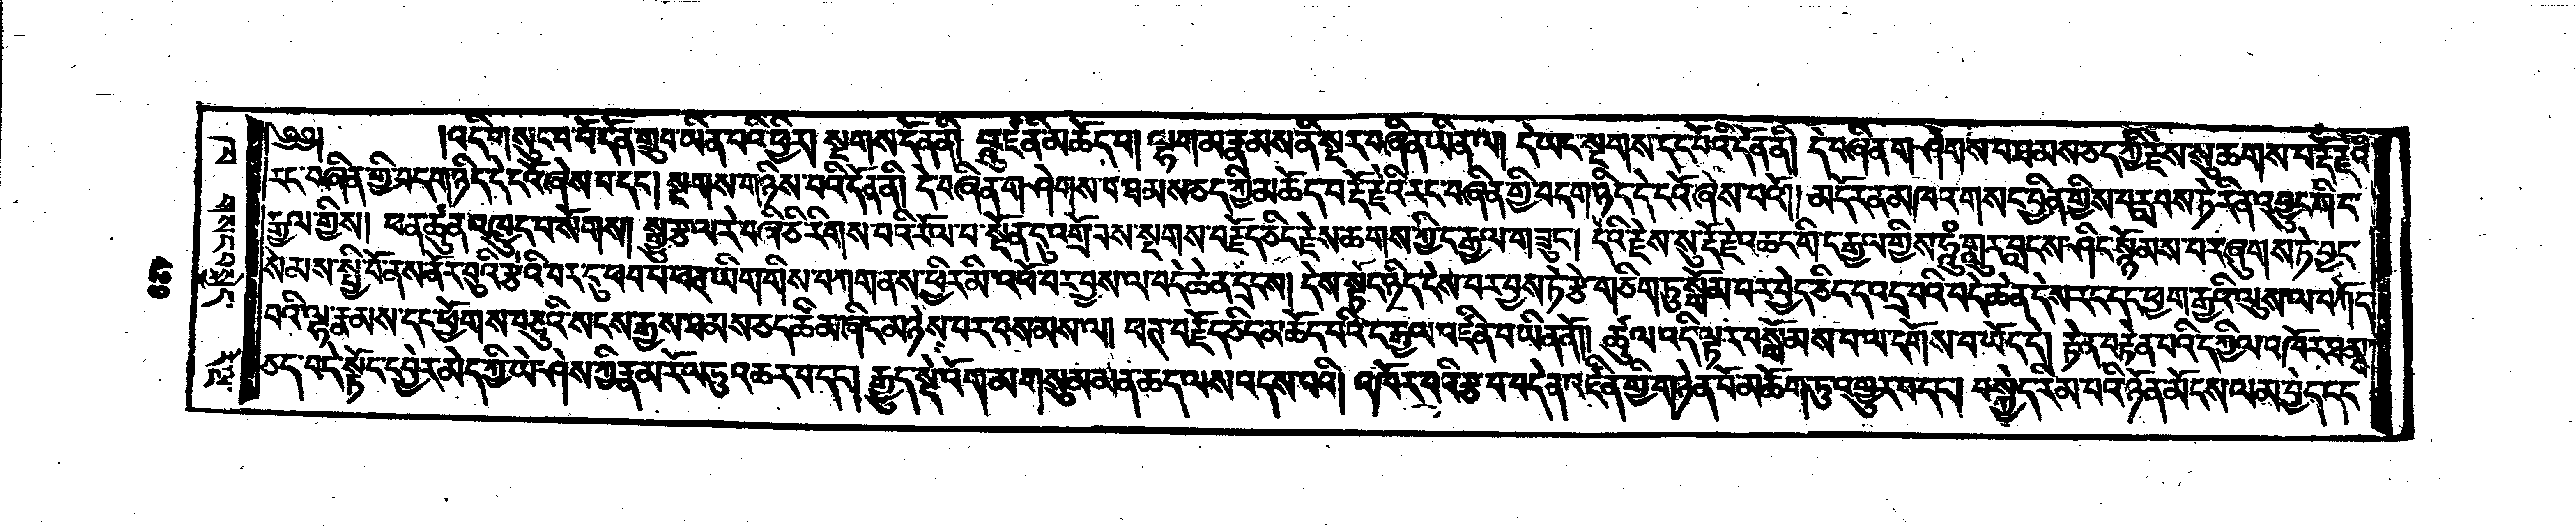༄༅། །འདི་གསུང་པ་པོ་དོན་གྲུབ་ཡིན་པའི་ཕྱིར། སྔགས་དོན་ནི། པཱུ་ཛ་ནི་མཆོད་པ། ལྷག་མ་རྣམས་ནི་སྔར་བཞིན་ཡིན་ལ། དེ་ཡང་སྔགས་དང་པོའི་དོན་ནི། དེ་བཞིན་གཤེགས་པ་ཐམས་ཅད་ཀྱི་རྗེས་སུ་ཆགས་པ་རྡོ་རྗེའི་
རང་བཞིན་གྱི་བདག་ཉིད་དེ་ངའོ་ཞེས་པ་དང་། སྔགས་གཉིས་པའི་དོན་ནི། དེ་བཞིན་གཤེགས་པ་ཐམས་ཅད་ཀྱི་མཆོད་པ་རྡོ་རྗེའི་རང་བཞིན་གྱི་བདག་ཉིད་དེ་ངའོ་ཞེས་པའོ། །མདོར་ན་མཁའ་གསང་བྱིན་གྱིས་བརླབས་ཏེ་རིན་འབྱུང་གི་ང་
རྒྱལ་གྱིས། ཕན་ཚུན་འཁྱུད་པ་སོགས། སྒྱུ་རྩལ་རེ་བཞི་ཅི་རིགས་པའི་རོལ་པ་སྔོན་དུ་འགྲོ་བས་སྔགས་བརྗོད་ཅིང་རྗེས་ཆགས་ཀྱི་ང་རྒྱལ་གཟུང་། དེའི་རྗེས་སུ་རྡོ་རྗེ་འཆང་གི་ང་རྒྱལ་གྱིས་ཧཱུཾ་གླུར་བླངས་ཤིང་སྙོམས་པར་ཞུགས་ཏེ་བྱང་
སེམས་སྤྱི་བོ་ནས་ནོར་བུའི་རྩེའི་བར་དུ་ཕབ་པ་ཕཊ་ཡིག་གིས་བཀག་ནས་ཕྱིར་མི་འཕོ་བར་བྱས་ལ་བདེ་ཆེན་དྲངས། དེས་སྟོང་ཉིད་ངེས་པར་བྱས་ཏེ་རྩེ་གཅིག་ཏུ་སྒོམ་པར་བྱེད་ཅིང་དེ་འདྲ་བའི་བདེ་ཆེན་དེས་རང་དང་ཕྱག་རྒྱའི་ལུས་ལ་བཀོད་
པའི་ལྷ་རྣམས་དང་ཕྱོགས་བཅུའི་སངས་རྒྱས་ཐམས་ཅད་ཚིམ་ཞིང་མཉེས་པར་བསམས་ལ། ཕཊ་བརྗོད་ཅིང་མཆོད་པའི་ང་རྒྱལ་འཛིན་པ་ཡིན་ནོ། །ཚུལ་འདི་ལྟར་བསྒོམས་པ་ལ་དགོས་པ་ཡོད་དེ། རྟེན་བརྟེན་པའི་དཀྱིལ་འཁོར་ཐམས་
ཅན་བདེ་སྟོང་དབྱེར་མེད་ཀྱི་ཡེ་ཤེས་ཀྱི་རྣམ་རོལ་ཏུ་འཆར་བ་དང་། རྒྱུད་སྡེ་འོག་མ་གསུམ་མན་ཆད་ལས་འདས་པའི། འཁོར་བའི་རྩ་བ་བདེན་འཛིན་གྱི་གཉེན་པོ་མཆོག་ཏུ་འགྱུར་བ་དང་། བསྐྱེད་རིམ་པའི་ཉོན་མོངས་ལམ་བྱེད་དང་